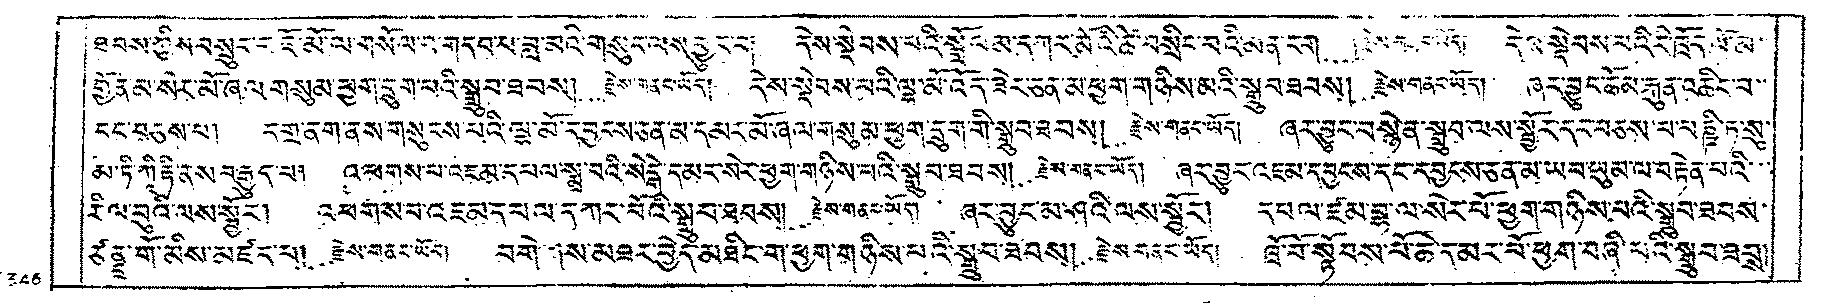ཐབས་ཀྱིས་བསྲུང་བ་ཇོ་མོ་ལ་གསོལ་བ་གདབ་པ་བླ་མའི་གསུང་ལས་བྱུང་བ། དེས་སྡེབས་པའི་སྒྲོལ་མ་དཀར་མོའི་ཚེ་བསྲིང་བའི་མན་ངག ། རྗེས་གནང་ཡོད།  དེས་སྡེབས་པའི་རི་ཁྲོད་ལོ་མ་
གྱོན་མ་སེར་མོ་ཞལ་གསུམ་ཕྱག་དྲུག་པའི་སྒྲུབ་ཐབས། རྗེས་གནང་ཡོད།  དེས་སྡེབས་པའི་ལྷ་མོ་འོད་ཟེར་ཅན་མ་ཕྱག་གཉིས་མའི་སྒྲུབ་ཐབས། རྗེས་གནང་ཡོད།  ཞར་བྱུང་ཆོམ་རྐུན་འཆིང་བ་
དང་བཅས་པ། དགྲ་ནག་ནས་གསུངས་པའི་ལྷ་མོ་དབྱངས་ཅན་མ་དམར་མོ་ཞལ་གསུམ་ཕྱག་དྲུག་གི་སྒྲུབ་ཐབས། རྗེས་གནང་ཡོད།  ཞར་བྱུང་བསྙེན་སྒྲུབ་ལས་སྦྱོར་དང་བཅས་པ་པཎྚི་ཏ་སུ་
མ་ཏི་ཀཱི་རྟི་ནས་བརྒྱུད་པ། འཕགས་པ་འཇམ་དཔལ་སྨྲ་བའི་སེངྒེ་དམར་སེར་ཕྱག་གཉིས་པའི་སྒྲུབ་ཐབས། རྗེས་གནང་ཡོད།  ཞར་བྱུང་འཇམ་དབྱངས་དང་དབྱངས་ཅན་མ་ཡབ་ཡུམ་ལ་བརྟེན་པའི་
རིལ་བུའི་ལས་སྦྱོར། འཕགས་པ་འཇམ་དཔལ་དཀར་པོའི་སྒྲུབ་ཐབས། རྗེས་གནང་ཡོད།  ཞར་བྱུང་མ་ཤའི་ལས་སྦྱོར། དཔལ་ཛམ་བྷ་ལ་སེར་པོ་ཕྱག་གཉིས་པའི་སྒྲུབ་ཐབས་
ཙནྡྲ་གོ་མིས་མཛད་པ། རྗེས་གནང་ཡོད།  བགེགས་མཐར་བྱེད་མཐིང་ག་ཕྱག་གཉིས་པའི་སྒྲུབ་ཐབས། རྗེས་གནང་ཡོད།  ཁྲོ་བོ་སྟོབས་པོ་ཆེ་དམར་པོ་ཕྱག་བཞི་པའི་སྒྲུབ་ཐབས།